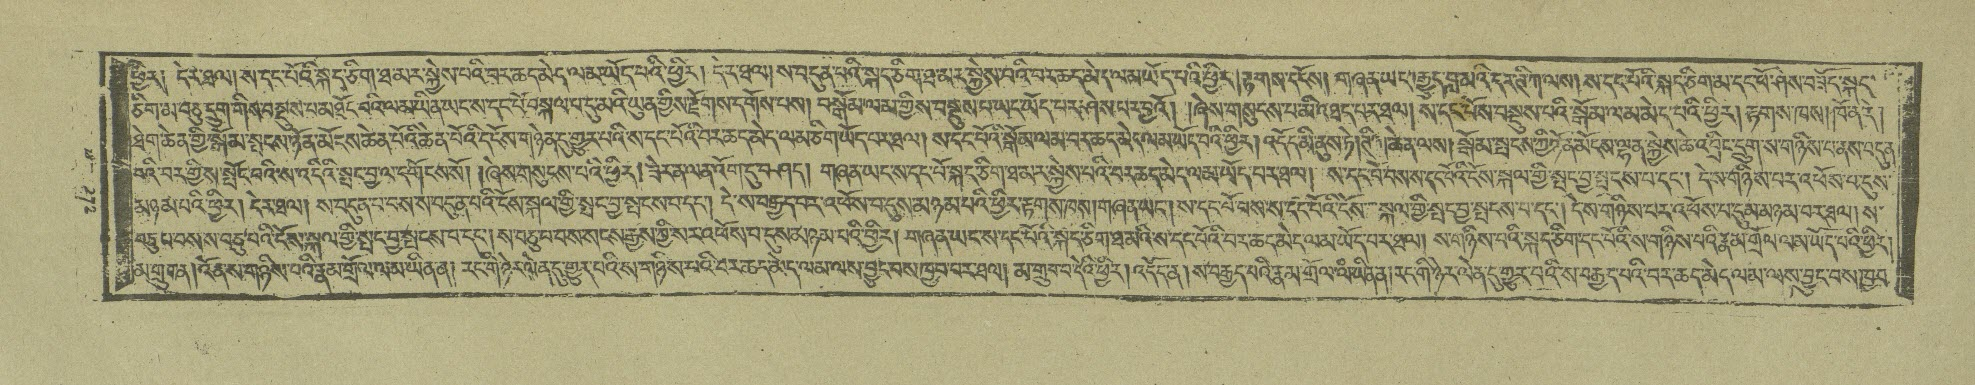ཕྱིར། དེར་ཐལ། ས་དང་པོའི་སྐད་ཅིག་ཐ་མར་སྐྱེས་པའི་བར་ཆད་མེད་ལམ་ཡོད་པའི་ཕྱིར། དེར་ཐལ། ས་བདུན་པའི་སྐད་ཅིག་ཐ་མར་སྐྱེས་པའི་བར་ཆད་མེད་ལམ་ཡོད་པའི་ཕྱིར། རྟགས་དངོས། གཞན་ཡང་། རྒྱུད་བླ་མའི་དར་ཊིཀ་ལས། ས་དང་པོའི་སྐད་ཅིག་མ་དང་པོ་ཤེས་བཟོད་སྐད་
ཅིག་མ་བཅུ་དྲུག་གིས་བསྡུས་པ་མཐོང་བའི་ལམ་ཡིན་ཡང་ས་དང་པོ་བསྐལ་བ་དུ་མའི་ཡུན་གྱིས་རྫོགས་དགོས་པས། བསྒོམ་ལམ་གྱིས་བསྡུས་པ་ཡང་ཡོད་པར་ཤེས་པར་བྱའོ། །ཞེས་གསུངས་པ་མི་འཐད་པར་ཐལ། ས་དང་པོས་བསྡུས་པའི་སྒོམ་ལམ་མེད་པའི་ཕྱིར། རྟགས་ཁས། ཁོ་ན་རེ།
ཐེག་ཆེན་གྱི་སྒོམ་སྤངས་ཉོན་མོངས་ཆེན་པོའི་ཆེན་པོའི་དངོས་གཉེན་དུ་གྱུར་པའི་ས་དང་པོའི་བར་ཆད་མེད་ལམ་ཅིག་ཡོད་པར་ཐལ། ས་དང་པོའི་སྒོམ་ལམ་བར་ཆད་མེད་ལམ་ཡོད་པའི་ཕྱིར། འདོད་མི་ནུས་ཏེ། ཊིཀ་ཆེན་ལས། སྒོམ་སྤངས་ཀྱི་ཉོན་མོངས་ལྷན་སྐྱེས་ཆེ་འབྲིང་དྲུག་ས་གཉིས་པ་ནས་བདུན་
བའི་བར་གྱིས་སྤོང་བའི་ས་འདིའི་སྤང་བྱ་ལ་དགོངས་སོ། །ཞེས་གསུངས་པའི་ཕྱིར། ཟེར་ན་ལན་འོག་དུ་བཤད། གཞན་ཡང་ས་དང་པོ་སྐད་ཅིག་ཐ་མར་སྐྱེས་པའི་བར་ཆད་མེད་ལམ་ཡོད་པར་ཐལ། ས་དང་པོ་བས་ས་དང་པོའི་ངོས་སྐལ་གྱི་སྤང་བྱ་སྤངས་པ་དང་། དེས་གཉིས་པར་འཕོས་པ་དུས་
མཉམ་པའི་ཕྱིར། དེར་ཐལ། ས་བདུན་པ་བས་ས་བདུན་པའི་ངོས་སྐལ་གྱི་སྤང་བྱ་སྤངས་པ་དང་། དེ་ས་བརྒྱད་པར་འཕོས་པ་དུས་མཉམ་པའི་ཕྱིར་རྟགས་ཁས། གཞན་ཡང་། ས་དང་པོ་བས་ས་དང་པོའི་ངོས་སྐལ་གྱི་སྤང་བྱ་སྤངས་པ་དང་། དེ་ས་གཉིས་པར་འཕོས་པ་དུ་མ་མཉམ་པར་ཐལ། ས་
བཅུ་པ་བས་ས་བཅུ་པའི་ངོས་སྐལ་གྱི་སྤང་བྱ་སྤངས་པ་དང་། ས་བཅུ་པ་བས་སངས་རྒྱས་ཀྱི་སར་འཕོས་པ་དུས་མཉམ་པའི་ཕྱིར། གཞན་ཡང་ས་དང་པོའི་སྐད་ཅིག་ཐ་མའི་ས་དང་པོའི་བར་ཆད་མེད་ལམ་ཡོད་པར་ཐལ། ས་གཉིས་པའི་སྐད་ཅིག་དང་པོའི་ས་གཉིས་པའི་རྣམ་གྲོལ་ལམ་ཡོད་པའི་ཕྱིར།
མ་གྲུབ་ན། འོ་ན་ས་གཉིས་པའི་རྣམ་གྲོལ་ལམ་ཡིན་ན། རང་གི་ཉེར་ལེན་དུ་གྱུར་བའི་ས་གཉིས་པའི་བར་ཆད་མེད་ལམ་ལས་བྱུང་བས་ཁྱབ་པར་ཐལ། མ་གྲུབ་པ་དེའི་ཕྱིར། འདོད་ན། ས་བརྒྱད་པའི་རྣམ་གྲོལ་ཡིན་ན། རང་གི་ཉེར་ལེན་དུ་གྱུར་བའི་ས་བརྒྱད་པའི་བར་ཆད་མེད་ལམ་ལས་བྱུང་བས་ཁྱབ་